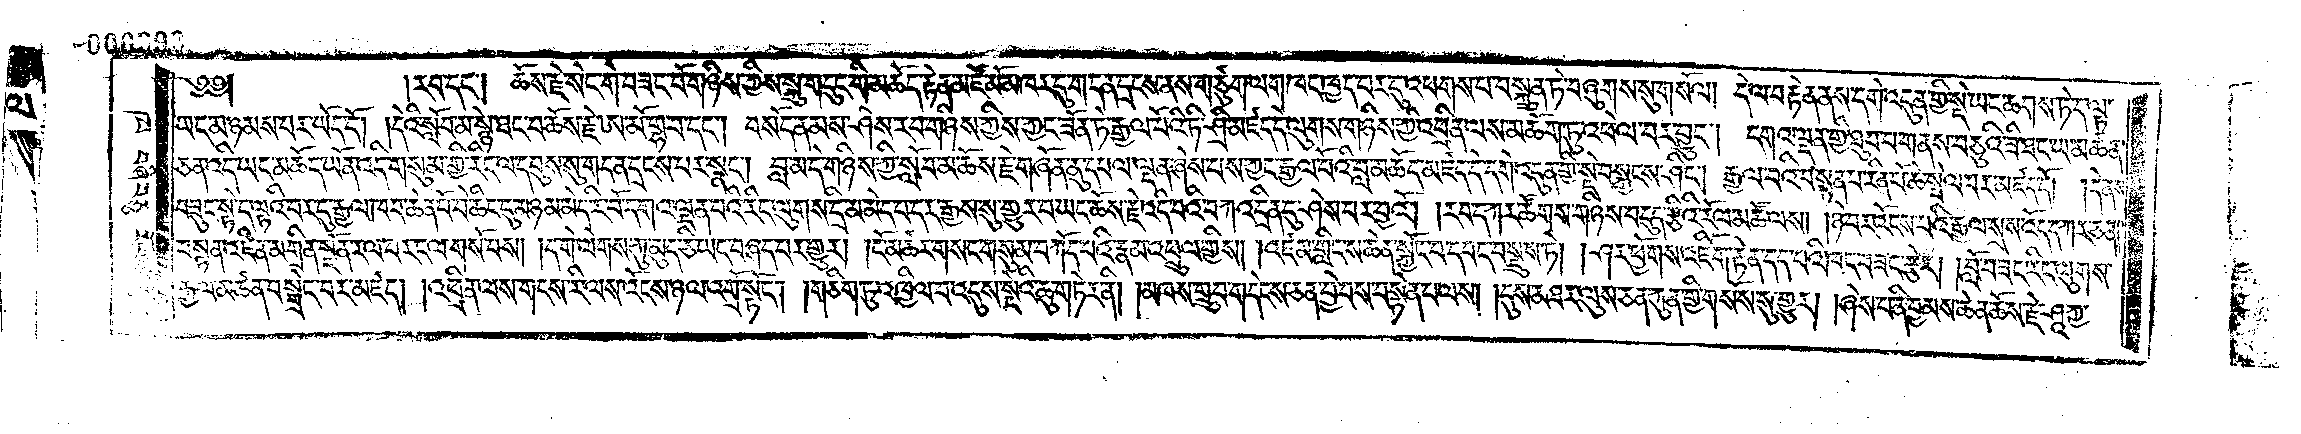༄༅། །རབ་དང་། ཆོས་རྗེ་སེང་གེ་བཟང་པོ་གཉིས་ཀྱིས་སྐུ་གདུང་གི་མཆོད་རྟེན་མཛོ་མོ་མཁར་དུ་གདན་དྲངས་ནས་གཙུག་ལག་ཁང་ཁྱད་བར་དུ་འཕགས་པ་བསྐྲུན་ཏེ་བཞུགས་སུ་གསོལ། དེ་ལ་བརྟེན་ནས་དགེ་འདུན་གྱི་སྡེ་ཡང་ཆགས་ཏེ་ད་ལྟ་
ཡང་མ་ཉམས་པར་ཡོད་དོ། །དེའི་སློབ་མ་སྙེ་ཐང་བ་ཆོས་རྗེ་ཨ་མོ་གྷ་བ་དང་། བསོད་ནམས་ཤེས་རབ་གཉིས་ཀྱིས་ཀྱང་ཟོན་ཏེ་རྒྱལ་བོའི་ཏི་ཤྲི་མཛད་དེ་ལུགས་གཉིས་ཀྱི་འཕྲིན་ལས་མཆོག་ཏུ་འཕེལ་བར་བྱུང་། དགའ་ལྡན་གྱི་ཐུབ་པ་གནས་བཅུའི་ཟི་ཐང་ཡ་མཚན་
ཅན་འདི་ཡང་མཆོད་ཡོན་འདི་གསུམ་གྱི་རིང་ལ་དབུས་སུ་གདན་དྲངས་པར་སྣང་། བླ་མ་དེ་གཉིས་ཀྱི་སློབ་མ་ཆོས་རྗེ་གཞོན་ནུ་དཔལ་ལྡན་ཞེས་པས་ཀྱང་རྒྱལ་བོའི་བླ་མཆོད་མཛད་དེ་དགེ་འདུན་གྱིས་དེ་བསྐྱངས་ཤིང་། རྒྱལ་བའི་བསྟན་པ་རིན་པོ་ཆེ་སྤེལ་བར་མཛད་དོ། །དེ་ནས་
བཟུང་སྟེ་ད་ལྟའི་བར་དུ་རྒྱལ་ཁབ་ཆེན་པོ་བེ་ཆིང་དུ་མཉམ་མེད་རི་བོ་དགའ་ལྡན་པའི་རིང་ལུགས་དྲི་མ་མེད་པ་དར་རྒྱས་སུ་གྱུར་པ་ཡང་ཆོས་རྗེ་འདི་བའི་བཀའ་དྲིན་དུ་ཤེས་པར་བྱའོ། །རབ་དཀར་ཚོགས་གཉིས་བདུད་རྩིའི་རོལ་མཚོ་ལས། །ཉེ་བར་འོངས་པའི་རྒྱལ་སྲས་འོད་དཀར་ཅན།
བསྟན་འཛིན་མགྲིན་སྔོན་རལ་བར་ངལ་གསོལ་བས། །དགེ་ལེགས་ཀུ་མུད་ཅི་ཡང་བཞད་པར་གྱུར། །ངོ་མཚར་གསང་གསུམ་བཀོད་པའི་རྣམ་འཕྲུལ་གྱིས། །འཛམ་གླིང་ས་ཆེན་སྐྱོང་བ་དབང་བསྡུས་ཏེ། །ཤར་ཕྱོགས་འཇིག་རྟེན་དད་པའི་ཁང་བཟང་རྩེར། །བློ་བཟང་རིང་ལུགས་
རྒྱལ་མཚན་བསྒྲེང་བར་མཛད། །འཕྲིན་ལས་གངས་རི་ལས་འོངས་ཉལ་འགྲོ་སྟོད། །གཅིག་ཏུ་འཁྱིལ་བ་འདུས་སྡེའི་ཆུ་གཏེར་ནི། །མཁས་གྲུབ་གདེངས་ཅན་བྱེ་བས་བསྟེན་པ་ལས། །དུས་མཐར་ལུས་ཅན་ཀུན་གྱི་གསོས་སུ་གྱུར། །ཞེས་པ་ནི་བྱམས་ཆེན་ཆོས་རྗེ་ཤཱཀྱ་